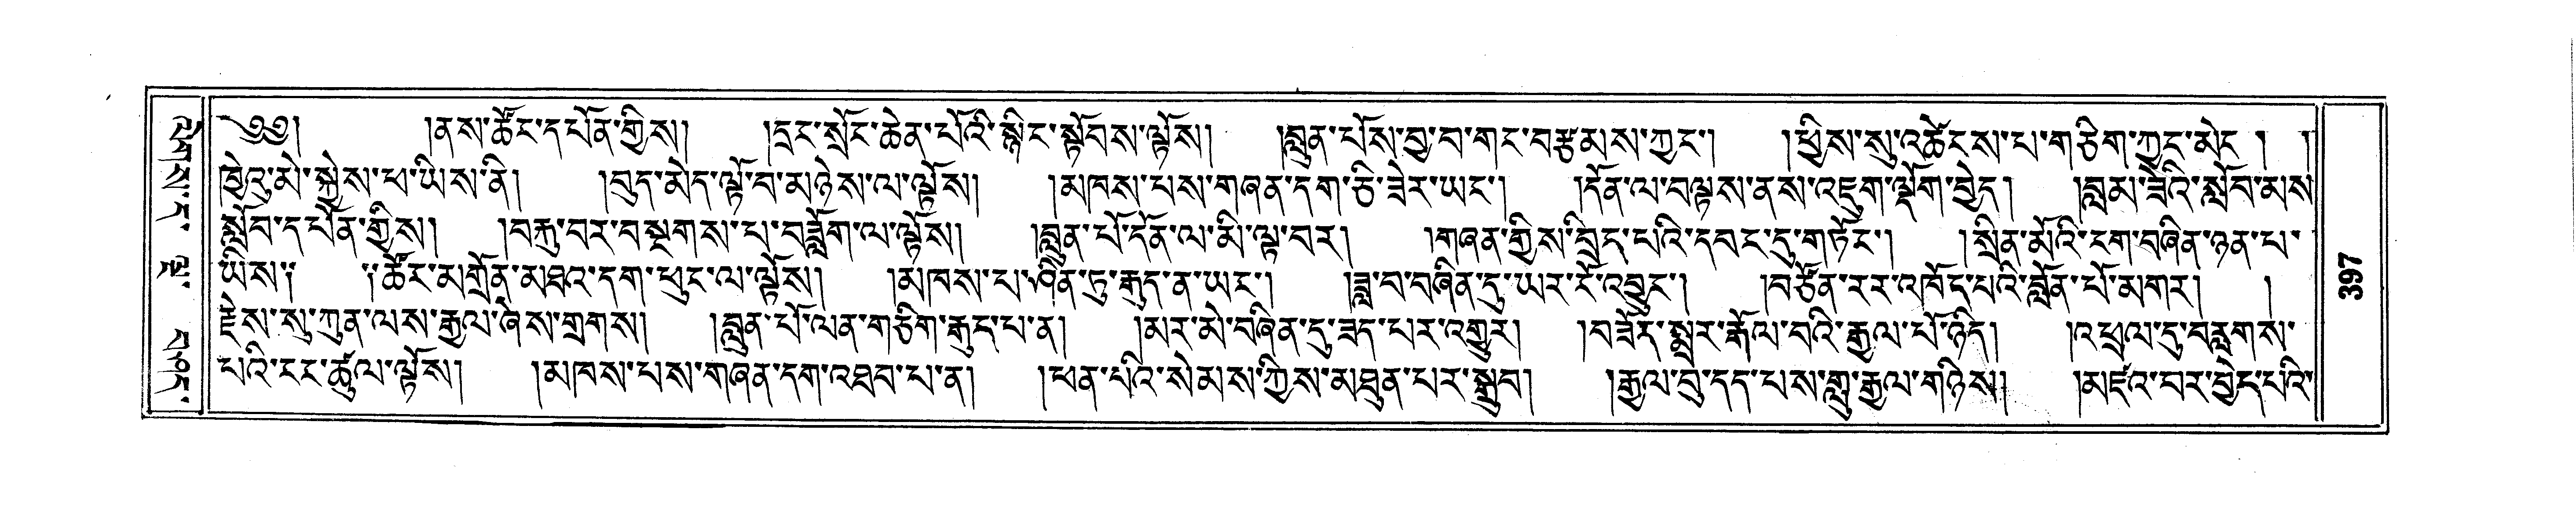༄༅། །ནས་ཚོང་དཔོན་གྱིས། །དྲང་སྲོང་ཆེན་པོའི་སྙིང་སྟོབས་ལྟོས། །བླུན་པོས་བྱ་བ་གང་བརྩམས་ཀྱང་། །ཕྱིས་སུ་འཚེངས་པ་གཅིག་ཀྱང་མེད། །
ཁྱེའུ་མེ་སྐྱེས་ཕ་ཡིས་ནི། །བུད་མེད་ལྟོ་བ་མཉེས་ལ་ལྟོས། །མཁས་པས་གཞན་དག་ཅི་ཟེར་ཡང་། །དོན་ལ་བལྟས་ནས་འཇུག་ལྡོག་བྱེད། །བླམ་ཟེའི་སློབ་མས་
སློབ་དཔོན་གྱིས། །བརྐུ་བར་བསྔགས་པ་བཟློག་ལ་ལྟོས། །བླུན་པོ་དོན་ལ་མི་ལྟ་བར། །གཞན་གྱིས་བྲིད་པའི་དབང་དུ་གཏོང་། །སྲིན་མོའི་ངག་བཞིན་ཉན་པ་
ཡིས༑ ༑ཚོང་མགྲོན་མཐའ་དག་ཕུང་ལ་ལྟོས། །མཁས་པ་ཤིན་ཏུ་རྒུད་ན་ཡང་། །ཟླ་བ་བཞིན་དུ་ཡར་ངོ་འབྱུང་། །བརྩོན་རར་འཁོད་པའི་བློན་པོ་མགར། །
རྗེས་སུ་ཀུན་ལས་རྒྱལ་ཞེས་གྲགས། །བླུན་པོ་ལན་གཅིག་རྒུད་པ་ན། །མར་མེ་བཞིན་དུ་ཟད་པར་འགྱུར། །བཟོད་སྨྲར་རྒོལ་བའི་རྒྱལ་པོ་ཉིད། །འཕྲལ་དུ་བརླགས་
པའི་ངང་ཚུལ་ལྟོས། །མཁས་པས་གཞན་དག་འཐབ་པ་ན། །ཕན་པའི་སེམས་ཀྱིས་མཐུན་པར་སྒྲུབ། །རྒྱལ་བུ་དད་པས་གླུ་རྒྱལ་གཉིས། །མཛའ་བར་བྱེད་པའི་